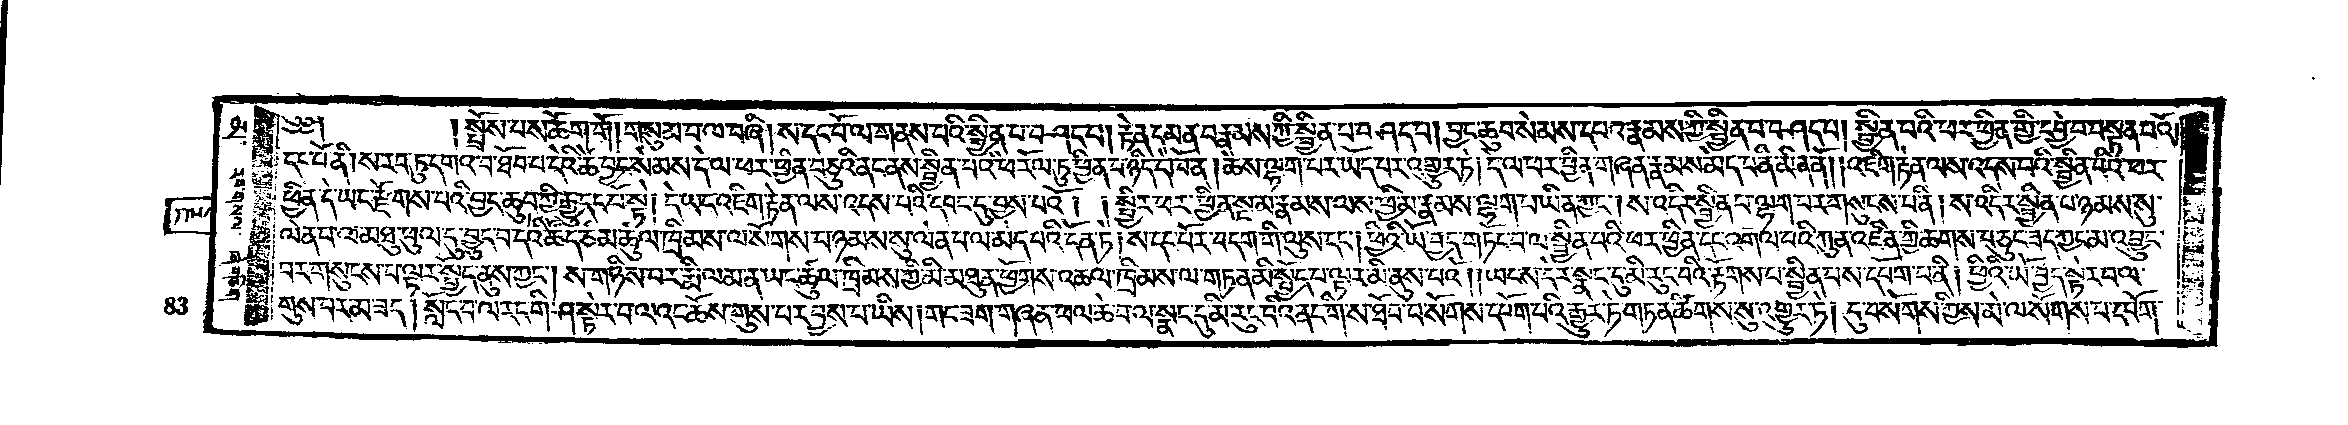༄༅། །སྤྲོས་པས་ཆོག་གོ །གསུམ་པ་ལ་བཞི། ས་དང་པོ་ལ་གནས་པའི་སྦྱིན་པ་བཤད་པ། རྟེན་དམན་པ་རྣམས་ཀྱི་སྦྱིན་པ་བཤད་པ། བྱང་ཆུབ་སེམས་དཔའ་རྣམས་ཀྱི་སྦྱིན་པ་བཤད་པ། སྦྱིན་པའི་ཕར་ཕྱིན་གྱི་དབྱེ་བ་བསྟན་པའོ།
དང་པོ་ནི། ས་རབ་ཏུ་དགའ་བ་ཐོབ་པ་དེའི་ཚེ་བྱང་སེམས་དེ་ལ་ཕར་ཕྱིན་བཅུའི་ནང་ནས་སྦྱིན་པའི་ཕ་རོལ་ཏུ་ཕྱིན་པ་ཉིད་དེ་ཁོ་ན། ཆོས་ལྷག་པར་ཡོད་པར་འགྱུར་ཏེ། དེ་ལ་ཕར་ཕྱིན་གཞན་རྣམས་མེད་པ་ནི་མིན་ནོ། །འཇིག་རྟེན་ལས་འདས་པའི་སྦྱིན་པའི་ཕར་
ཕྱིན་དེ་ཡང་རྫོགས་པའི་བྱང་ཆུབ་ཀྱི་རྒྱུ་དང་པོ་སྟེ། དེ་ཡང་འཇིག་རྟེན་ལས་འདས་པའི་དབང་དུ་བྱས་པའོ། །སྤྱིར་ཕར་ཕྱིན་སྔ་མ་རྣམས་ལས་ཕྱི་མ་རྣམས་ལྷག་པ་ཡིན་ཀྱང་། ས་འདིར་སྦྱིན་པ་ལྷག་པར་གསུངས་པ་ནི། ས་འདིར་སྦྱིན་པ་ཉམས་སུ་
ལེན་པ་ལ་མཐུ་ཕུལ་དུ་བྱུང་བ་དེའི་ཚོད་ཙམ་ཚུལ་ཁྲིམས་ལ་སོགས་པ་ཉམས་སུ་ལེན་པ་ལ་མེད་པའི་དོན་ཏེ། ས་དང་པོར་བདག་གི་ལུས་དང་། ཕྱིའི་ཡོ་བྱད་གཏོང་བ་ལ་སྦྱིན་པའི་ཕར་ཕྱིན་དང་འགལ་བའི་ཀུན་འཛིན་གྱི་ཆགས་པ་ཅུང་ཟད་ཀྱང་མ་འབྱུང་
བར་གསུངས་པ་ལྟར་སྤྱོད་ནུས་ཀྱང་། ས་གཉིས་པར་རྨི་ལམ་ན་ཡང་ཚུལ་ཁྲིམས་ཀྱི་མི་མཐུན་ཕྱོགས་འཆལ་ཁྲིམས་ལ་གཏན་མི་སྤྱོད་པ་ལྟར་མི་ནུས་པའོ། །ཡང་ས་དེར་སྣང་དུ་མི་རུང་བའི་རྟོགས་པ་སྦྱིན་པས་དཔོག་པ་ནི། ཕྱིའི་ཡོ་བྱད་སྟེར་བ་ལ་
གུས་བར་མ་ཟད། སློང་བ་ལ་རང་གི་ཤ་སྟེར་བ་ལའང་ཆེས་གུས་པར་བྱས་པ་ཡིས། གང་ཟག་གཞན་ཕལ་ཆེ་བ་ལ་སྣང་དུ་མི་རུང་བའི་ནང་གི་ས་ཐོབ་པ་སོགས་དཔོག་པའི་རྒྱུར་ཏེ་གཏན་ཚིགས་སུ་འགྱུར་ཏེ། དུ་བ་སོགས་ཀྱིས་མེ་ལ་སོགས་པ་དཔོག་